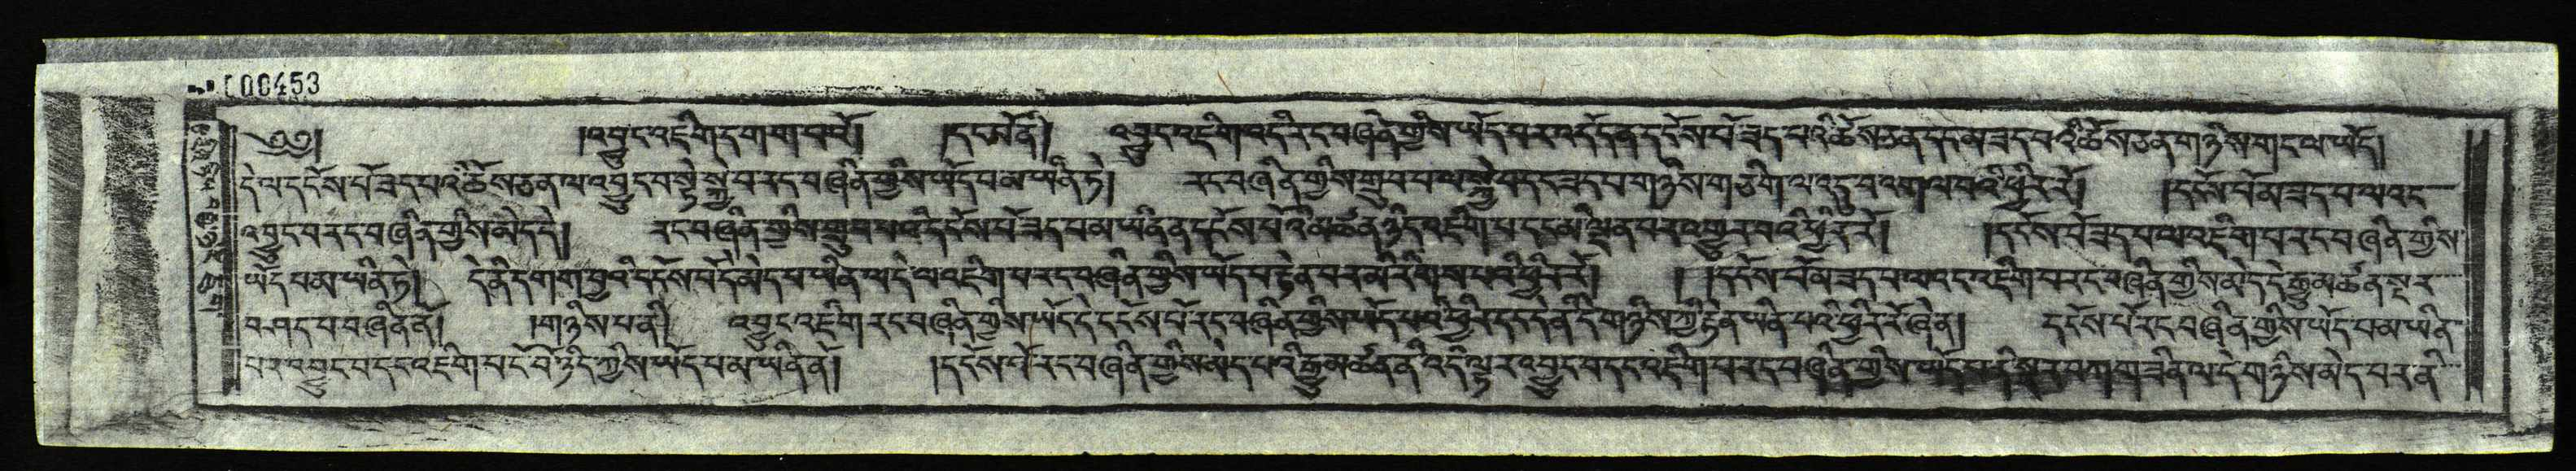༄༅། །འབྱུང་འཇིག་དགག་པའོ། །དང་པོ་ནི། འབྱུང་འཇིག་འདི་རང་བཞིན་གྱིས་ཡོད་པར་འདོད་ན་དངོས་པོ་ཟད་པའི་ཆོས་ཅན་དང་མ་ཟད་པའི་ཆོས་ཅན་གཉིས་གང་ལ་ཡོད།
དེ་ལ་དངོས་པོ་ཟད་པའི་ཆོས་ཅན་ལ་འབྱུང་བ་སྟེ་སྐྱེ་བ་རང་བཞིན་གྱིས་ཡོད་པ་མ་ཡིན་ཏེ། རང་བཞིན་གྱིས་གྲུབ་པ་ལ་སྐྱེ་བ་དང་ཟད་པ་གཉིས་གཅིག་ལ་འདུ་བ་འགལ་བའི་ཕྱིར་རོ། །དངོས་པོ་མ་ཟད་པ་ལའང་
འབྱུང་བ་རང་བཞིན་གྱིས་མེད་དེ། རང་བཞིན་གྱིས་གྲུབ་པའི་དངོས་པོ་ཟད་པ་མ་ཡིན་ན་དངོས་པོའི་མཚན་ཉིད་འཇོག་པ་དང་མི་ལྡན་པར་འགྱུར་པའི་ཕྱིར་རོ། །དངོས་པོ་ཟད་པ་ལ་འཇིག་པ་རང་བཞིན་གྱིས་
ཡོད་པ་མ་ཡིན་ཏེ། དེ་ནི་དགག་བྱ་བའི་དངོས་པོ་དེ་མེད་པ་ཡིན་ལ་དེ་ལ་འཇིག་པ་རང་བཞིན་གྱིས་ཡོད་པ་རྟེན་པར་མི་རིགས་པའི་ཕྱིར་རོ། །དངོས་པོ་མ་ཟད་པ་ལའང་འཇིག་པ་རང་བཞིན་གྱིས་མེད་དེ་རྒྱུ་མཚན་སྔར་
བཤད་པ་བཞིན་ནོ། །གཉིས་པ་ནི། འབྱུང་འཇིག་རང་བཞིན་གྱིས་ཡོད་དེ་དངོས་པོ་རང་བཞིན་གྱིས་ཡོད་པའི་ཕྱིར་དང་དོན་དེ་གཉིས་ཀྱི་རྟེན་ཡིན་པའི་ཕྱིར་རོ་ཞེ་ན། དངོས་པོ་རང་བཞིན་གྱིས་ཡོད་པ་མ་ཡིན་
པར་འབྱུང་བ་དང་འཇིག་པ་ངོ་བོ་ཉིད་ཀྱིས་ཡོད་པ་མ་ཡིན་ནོ། །དངོས་པོ་རང་བཞིན་གྱིས་མེད་པའི་རྒྱུ་མཚན་ནི་འདི་ལྟར་འབྱུང་བ་དང་འཇིག་པ་རང་བཞིན་གྱིས་ཡོད་པ་ནི་སྔར་བཀག་ཟིན་ལ་དེ་གཉིས་མེད་པར་ནི་